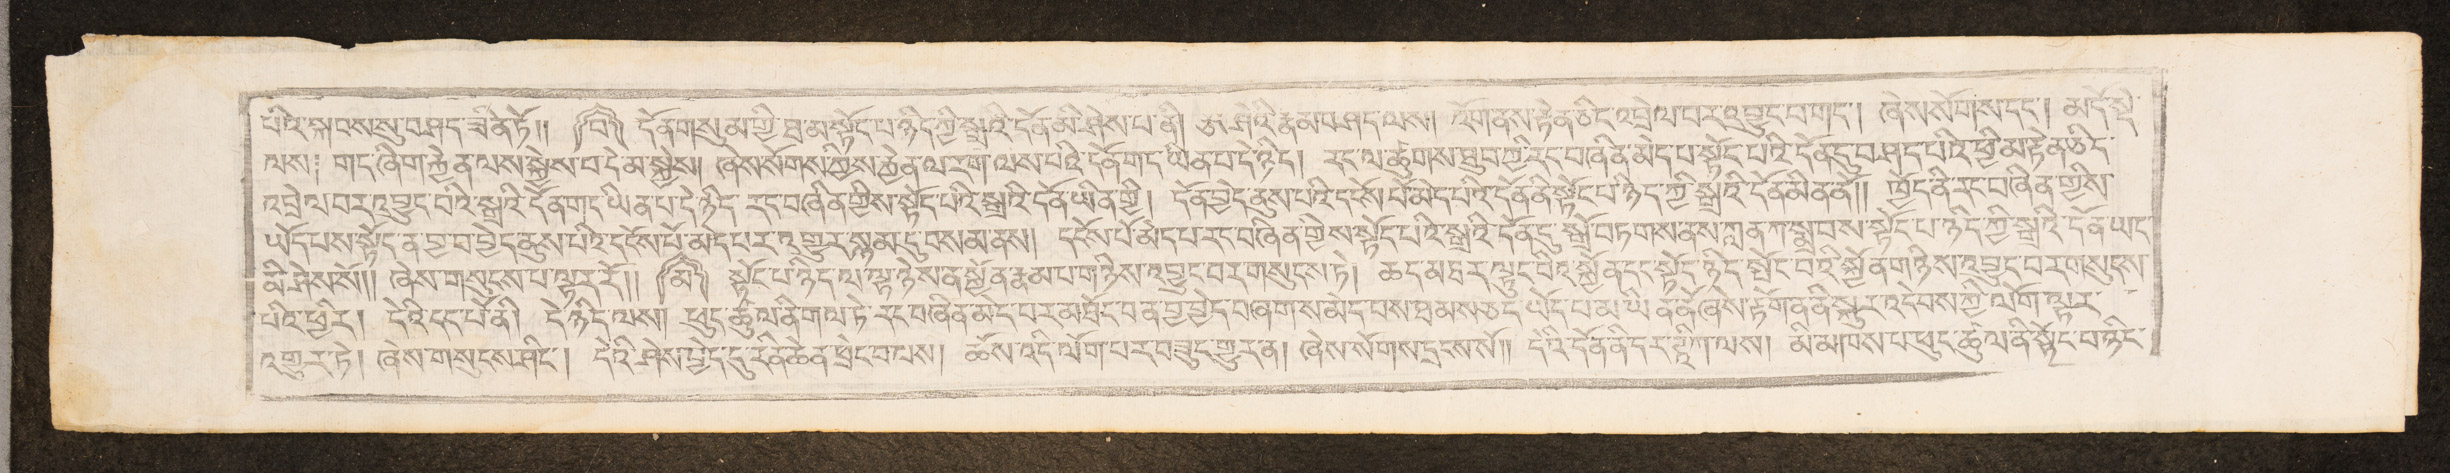པའི་སྐབས་སུ་བཤད་ཟིན་ཏོ།། ༼༽བ༼༽ དོན་གསུམ་གྱི་ཐ་མ་སྟོང་བ་ཉིད་ཀྱི་སྒྲའི་དོན་མི་ཤེས་པ་ནི། རྩ་ཤེའི་རྣམ་བཤད་ལས། འོག་ནས་རྟེན་ཅིང་འབྲེལ་བར་འབྱུང་བ་གང་། ཞེས་སོགས་དང་། མདོ་སྡེ་
ལས༑ གང་ཞིག་རྐྱེན་ལས་སྐྱེས་པ་དེ་མ་སྐྱེས། ཞེས་སོགས་ཀྱིས་རྐྱེན་ལ་རག་ལས་པའི་དོན་གང་ཡིན་པ་དེ་ཉིད། རང་ལ་ཚུགས་ཐུབ་ཀྱི་རང་བཞིན་མེད་པ་སྟོང་པའི་དོན་དུ་བཤད་པའི་ཕྱི་མ་རྟེན་ཅིང་
འབྲེལ་བར་འབྱུང་བའི་སྒྲའི་དོན་གང་ཡིན་པ་དེ་ཉིད་རང་བཞིན་གྱིས་སྟོད་པའི་སྒྲའི་དོན་ཡིན་གྱི། དོན་བྱེད་ནུས་པའི་དངོས་པོ་མེད་པའི་དོན་ནི་སྟོང་པ་ཉིད་ཀྱི་སྒྲའི་དོན་མིན་ནོ།། ཁྱོད་ནི་རང་བཞིན་གྱིས་
ཡོད་པས་སྟོང་ན་བྱ་བ་བྱེད་ནུས་པའི་དངོས་པོ་མེད་པར་འགྱུར་སྙམ་དུ་བསམ་ནས། དངོས་པོ་མེད་པ་རང་བཞིན་གྱིས་སྟོང་པའི་སྒྲའི་དོན་དུ་སྒྲོ་བཏགས་ནས་ཀླན་ཀ་སྨྲ་བས་སྟོང་པ་ཉིད་ཀྱི་སྒྲའི་དོན་ཡང་
མི་ཤེས་སོ།། ཞེས་གསུངས་པ་ལྟར་རོ།། ༼༽མ༼༽ སྟོང་པ་ཉིད་ལ་ལྟ་ཉེས་ན་སྐྱོན་རྣམ་པ་གཉིས་འབྱུང་བར་གསུངས་ཏེ། ཆད་མཐར་ལྟུང་བའི་སྐྱོན་དང་སྟོང་ཉིད་སྤོང་བའི་སྐྱོན་གཉིས་འབྱུང་བར་གསུངས་
པའི་ཕྱིར། དེའི་དང་པོ་ནི། དེ་ཉིད་ལས། ཕུང་ཚུལ་ནི་གལ་ཏེ་རང་བཞིན་མེད་པར་མཐོང་བ་ན་བྱ་བྱེད་བཞག་ས་མེད་པས་ཐམས་ཅད་ཡོད་པ་མ་ཡིན་ནོ་ཞེས་རྟོག་ན་ནི་སྐུར་འདེབས་ཀྱི་ལོག་ལྟར་
འགྱུར་ཏེ། ཞེས་གསུངས་ཤིང་། དེའི་ཤེས་བྱེད་དུ་རིན་ཆེན་ཕྲེང་བ་ལས། ཆོས་འདི་ལོག་པར་བཟུང་གྱུར་ན། ཞེས་སོགས་དྲངས་སོ།། དེའི་དོན་ནི་དར་ཊཱིཀ་ལས། མི་མཁས་པ་ཕུང་ཚུལ་ནི་སྟོང་པ་ཉིད་